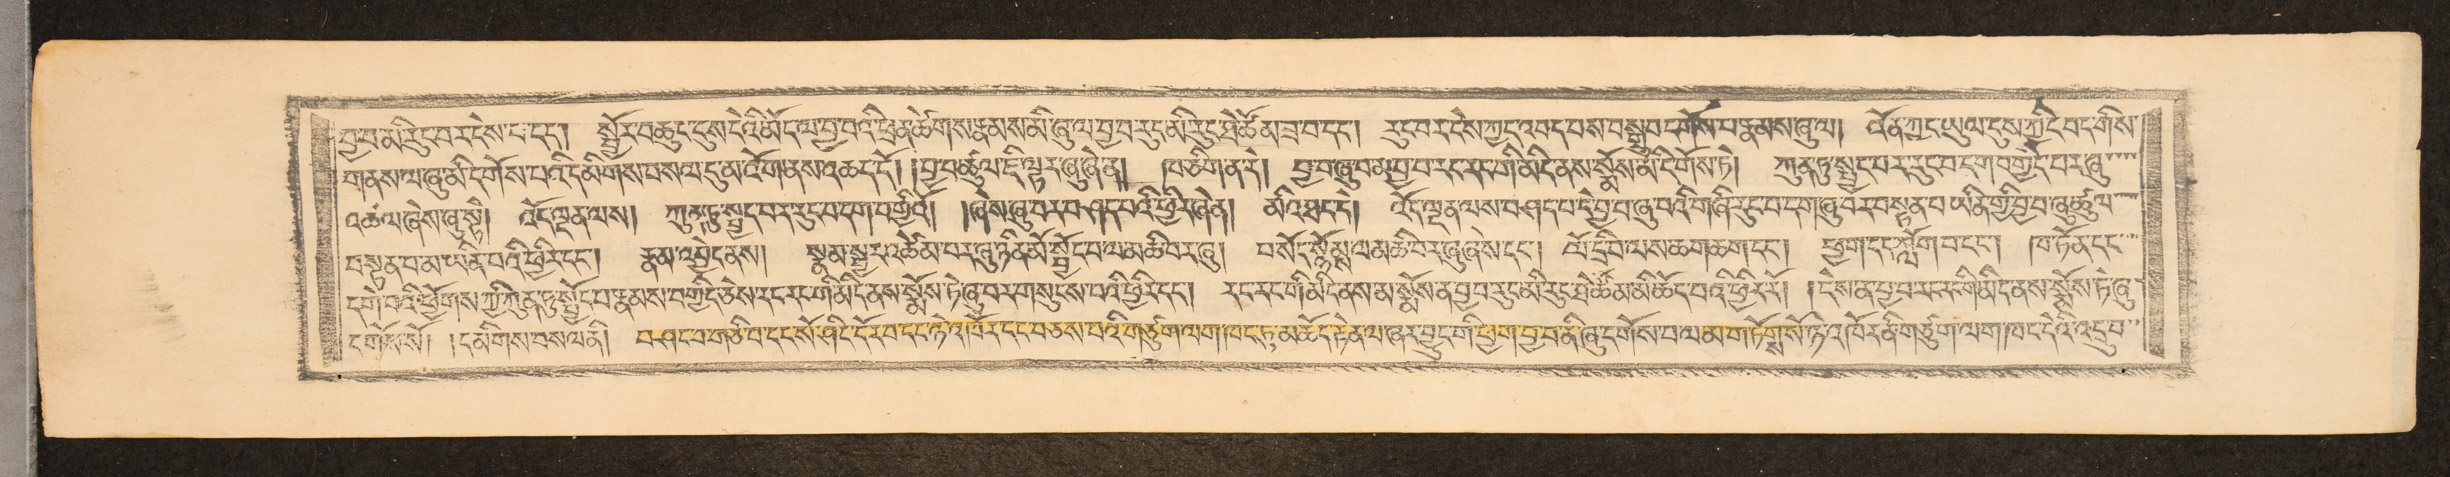བྱ་བ་མི་རུང་བར་ངེས་པ་དང་། སྦྱོར་བ་ཆུང་དུས་དེའི་མོད་ལ་བྱ་བའི་ཕྲན་ཚེགས་རྣམས་མི་ཞུ་ལ་བྱ་བ་རུང་མི་རུང་ཐེ་ཚོམ་ཟ་བ་དང་། རུང་བར་ངས་ཀྱང་འབད་པས་བསྒྲུབ་དགོས་པ་རྣམས་ཞུ་ལ། འོན་ཀྱང་ཡུལ་དུས་ཀྱི་དབང་གིས་
གནས་ལ་ཞུ་མི་དགོས་པའི་དམིགས་བསལ་དུ་མ་འོག་ནས་འཆད་དོ། །བྱ་བ་ཚུལ་ཇི་ལྟར་ཞུ་ཞེ་ན། ཁ་ཅིག་ན་རེ། བྱ་བ་ཞུ་བ་ན་བྱ་བ་རང་རང་གི་མིང་ནས་སྨོས་མི་དགོས་ཏེ། ཀུན་ཏུ་སྤྱང་པར་རུང་བ་དག་བགྱིད་པར་ཞུ་
འཚལ་ཞེས་ཞུ་སྟེ། འོད་ལྡན་ལས། ཀུན་ཏུ་སྤྱད་པར་རུང་བ་དག་བགྱིའོ། །ཞེས་ཞུ་བར་བཤད་པའི་ཕྱིར་ཞེ་ན། མི་འཐད་དེ། འོད་ལྡན་ལས་བཤད་པ་དེ་བྱ་བ་ཞུ་པའི་གཞི་རུང་བ་དག་ཞུ་པར་བསྟན་པ་ཡིན་གྱི་བྱ་བ་ཞུ་ཚུལ་
བསྟན་པ་མ་ཡིན་པའི་ཕྱིར་དང་། རྣམ་འབྱེད་ནས། སྣམ་སྦྱར་འཚེམ་པར་ཞུ་ཉིན་མོ་སྤྱོད་པ་ལ་མཆི་བར་ཞུ། བསོད་སྙོམས་ལ་མཆི་བར་ཞུ་ཞེས་དང་། ལོ་དྲི་བ་ལས་ཆག་ཆག་དང་། ཕྱག་དང་ཀློག་པ་དང་། ཁ་ཏོན་དང་
དགེ་བའི་ཕྱོགས་ཀྱི་ཀུན་ཏུ་སྤྱོད་པ་རྣམས་བགྱིད་ཅེས་རང་རང་གི་མིང་ནས་སྨོས་ཏེ་ཞུ་བར་གསུངས་པའི་ཕྱིར་དང་། རང་རང་གི་མིང་ནས་མ་སྨོས་ན་བྱ་བ་རུང་མི་རུང་ཐེ་ཚོམ་མི་ཆོད་པའི་ཕྱིར་རོ། །དེས་ན་བྱ་བ་རང་རང་གི་མིང་ནས་སྨོས་ཏེ་ཞུ་
དགོས་སོ། །དམིགས་བསལ་ནི། བཤར་བ་གཅི་བ་དང་སོ་ཤིང་དོར་བ་དང་ཉེ་འཁོར་དང་བཅས་པའི་གཙུག་ལག་ཁང་ཏུ་མཆོད་རྟེན་ལ་ཞར་བྱུང་གི་ཕྱག་བྱ་བ་ནི་ཞུ་དགོས་པ་ལ་མ་གཏོགས་སོ་ཉེ་འཁོར་ནི་གཙུག་ལག་ཁང་དེའི་འདྲུ་བ་